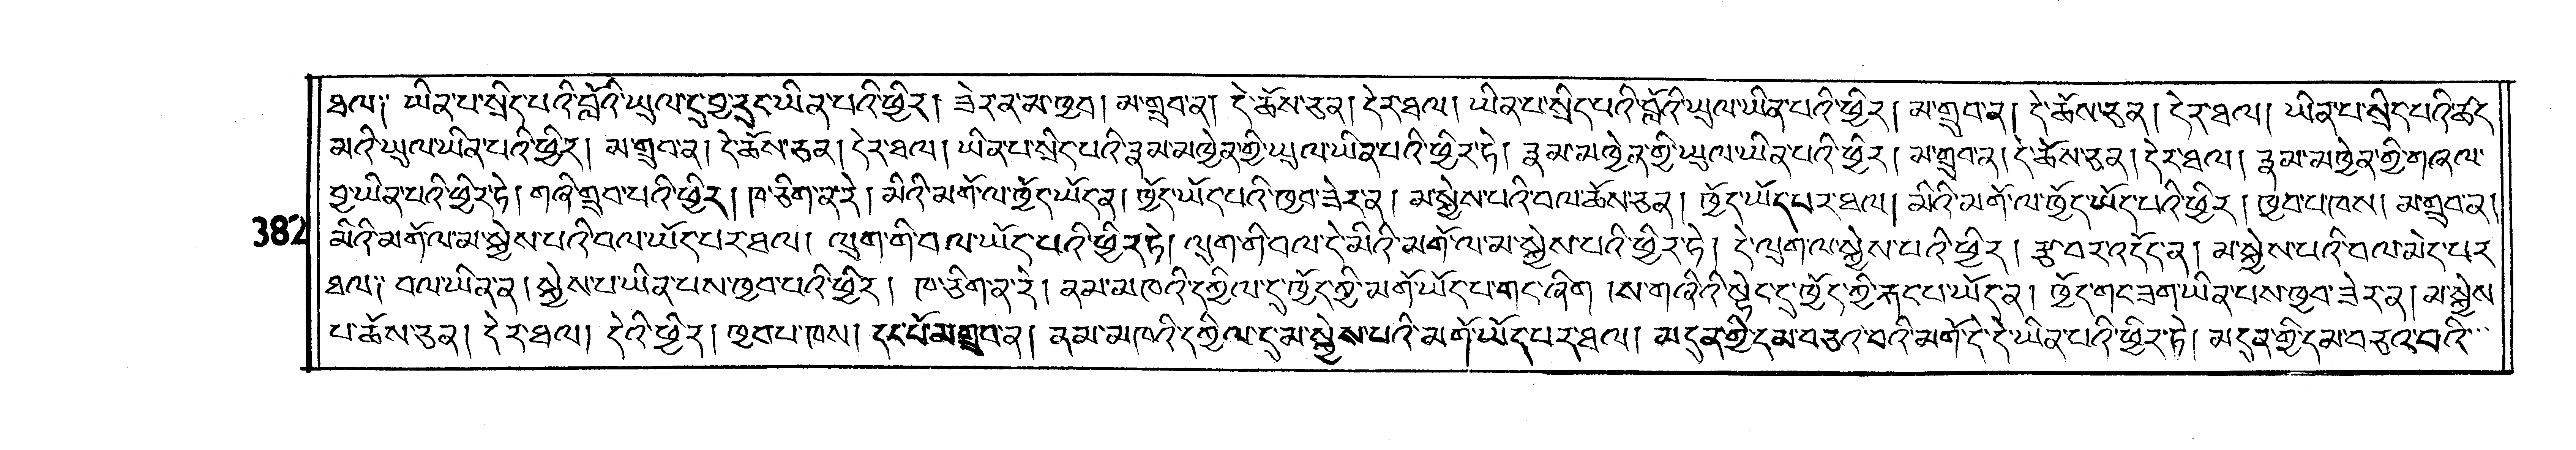ཐལ༑ ཡིན་པ་སྲིད་པའི་བློའི་ཡུལ་དུ་བྱ་རུང་ཡིན་པའི་ཕྱིར། ཟེར་ན་མ་ཁྱབ། མ་གྲུབ་ན། དེ་ཆོས་ཅན། དེར་ཐལ། ཡིན་པ་སྲིད་པའི་བློའི་ཡུལ་ཡིན་པའི་ཕྱིར། མ་གྲུབ་ན། དེ་ཆོས་ཅན། དེར་ཐལ། ཡིན་པ་སྲིད་པའི་ཚང་
མའི་ཡུལ་ཡིན་པའི་ཕྱིར། མ་གྲུབ་ན། དེ་ཆོས་ཅན། དེར་ཐལ། ཡིན་པ་སྲིད་པའི་རྣམ་མཁྱེན་གྱི་ཡུལ་ཡིན་པའི་ཕྱིར་ཏེ། རྣམ་མཁྱེན་གྱི་ཡུལ་ཡིན་པའི་ཕྱིར། མ་གྲུབ་ན། དེ་ཆོས་ཅན། དེར་ཐལ། རྣམ་མཁྱེན་གྱི་གཞལ་
བྱ་ཡིན་པའི་ཕྱིར་ཏེ། གཞི་གྲུབ་པའི་ཕྱིར། ཁ་ཅིག་ན་རེ། མིའི་མགོ་ལ་ཁྱོད་ཡོད་ན། ཁྱོད་ཡོད་པའི་ཁྱབ་ཟེར་ན། མ་སྐྱེས་པའི་བལ་ཆོས་ཅན། ཁྱོད་ཡོད་པར་ཐལ། མིའི་མགོ་ལ་ཁྱོད་ཡོད་པའི་ཕྱིར། ཁྱབ་པ་ཁས། མ་གྲུབ་ན།
མིའི་མགོ་ལ་མ་སྐྱེས་པའི་བལ་ཡོད་པར་ཐལ། ལུག་གི་བ་ལ་ཡོད་པའི་ཕྱིར་ཏེ། ལུག་གི་བལ་དེ་མིའི་མགོ་ལ་མ་སྐྱེས་པའི་ཕྱིར་ཏེ། དེ་ལུགས་ལ་སྐྱེས་པའི་ཕྱིར། རྩ་བར་འདོད་ན། མ་སྐྱེས་པའི་བླ་མེད་པར་
ཐལ༑ བླ་ཡིན་ན། སྐྱེས་པ་ཡིན་པས་ཁྱབ་པའི་ཕྱིར། ཁ་ཅིག་ན་རེ། ནམ་མཁའི་དཀྱིལ་དུ་ཁྱོད་ཀྱི་མགོ་ཡོད་པ་གང་ཞིག །ས་གཞིའི་སྟེང་དུ་ཁྱོད་ཀྱི་རྐང་པ་ཡོད་ན། ཁྱོད་གང་ཟག་ཡིན་པས་ཁྱབ་ཟེར་ན། མ་སྐྱེས་
པ་ཆོས་ཅན། དེར་ཐལ། དེའི་ཕྱིར། ཁྱབ་པ་ཁས། དང་པོ་མ་གྲུབ་ན། ནམ་མཁའི་དཀྱིལ་དུ་མ་སྐྱེས་པའི་མགོ་ཡོད་པར་ཐལ། མདུན་གྱི་དམ་བཅའ་བའི་མགོ་དེ་དེ་ཡིན་པའི་ཕྱིར་ཏེ། མདུན་གྱི་དམ་བཅའ་བའི་